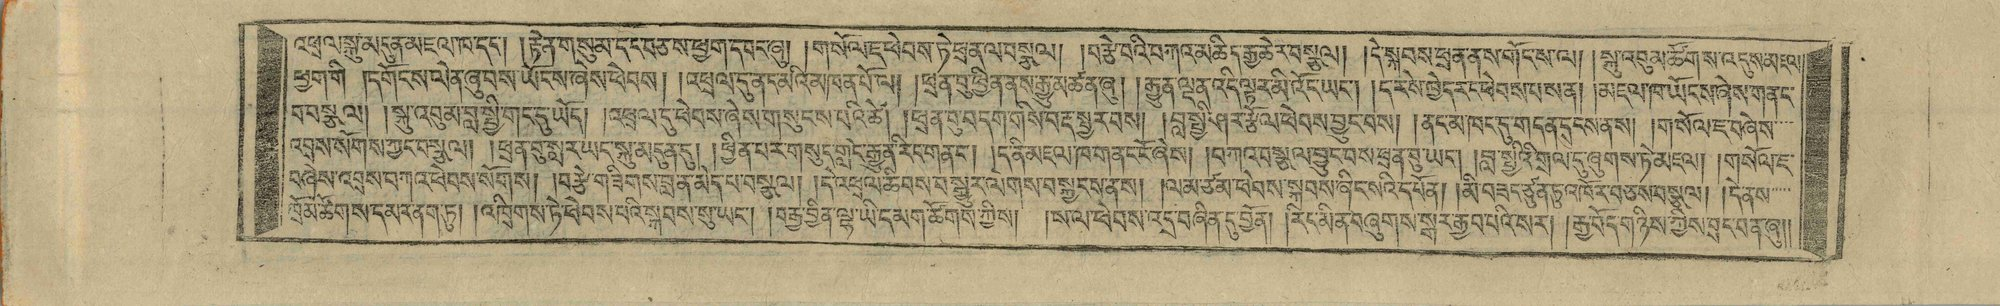འཕྲལ་སྐུ་མདུན་མཇལ་ཁ་དང་། །རྟེན་གསུམ་དང་བཅས་ཕྱག་དབང་ཞུ། །གསོལ་ཇ་ཕེབས་ཏེ་ཕྲན་ལ་བསྩལ། །བརྩེ་བའི་བཀའ་མཆིད་རྒྱ་ཆེར་བསྩལ། །དེ་སྐབས་ཕྲན་ནས་གོང་ས་ལ། །སྐུ་འབུམ་ཚོགས་འདུས་མཇལ་
ཕྱག་གི །དགོངས་ལེན་ཞུ་བས་ཡོངས་ཞེས་ཕེབས། །འཕྲལ་དུ་ནང་མའི་མཁན་པོ་ལ། །ཕྲན་བུ་ཕྱིན་ནས་རྒྱུ་མཚན་ཞུ། །རྒྱུན་ལྡན་འདི་ལྟར་མི་འོང་ཡང་། །ད་རེས་ཁྱེད་རང་ཕེབས་པས་ན། །མཇལ་ཁ་ཡོངས་ཞེས་གནང་
བ་བསྩལ། །སྐུ་འབུམ་བླ་སྤྱི་གང་དུ་ཡོད། །འཕྲལ་དུ་ཕེབས་ཞེས་གསུངས་པའི་ཚེ། །ཕྲན་བུ་བདག་གིས་བརྡ་སྦྱར་བས། །བླ་སྤྱི་ཤར་རྩོལ་ཕེབས་བྱུང་བས། །ནང་མ་ཁང་དུ་གདན་དྲངས་ནས། །གསོལ་ཇ་བཞེས་
འབྲས་སོགས་ཀྱང་བསྩལ། །ཕྲན་བུ་སླར་ཡང་སྐུ་མདུན་དུ། །ཕྱིན་པར་གསུང་གླིང་རྒྱུན་རིང་གནང་། །ད་ནི་མཇལ་ཁ་གནང་ངོ་ཞེས། །བཀའ་བསྩལ་བྱུང་བས་ཕྲན་བུ་ཡང་། །བླ་སྤྱིའི་གྲལ་དུ་ཞུགས་ཏེ་མཇལ། །གསོལ་ཇ་
བཞེས་འབྲས་བཀའ་ཕེབས་སོགས། །བརྩེ་གཟིགས་བླ་ན་མེད་པ་བསྩལ། །དེ་འཕྲལ་ཆིབས་བསྒྱུར་ལེགས་བསྐྱངས་ནས། །ལམ་ཙམ་ཕེབས་སྐབས་ཞིང་སའི་དཔོན། །མི་བཟང་ཙུན་ཏུ་འཁོར་བཅས་བསྩལ། །དེ་ནས་
ཁྲོམ་ཚོགས་དམར་ནག་ཏུ། །འཁྲིགས་ཏེ་ཕེབས་པའི་སྐབས་སུ་ཡང་། །བརྒྱ་བྱིན་ལྷ་ཡི་དམག་ཚོགས་ཀྱིས། །ས་ལ་ཕེབས་འདྲ་བཞིན་དུ་བྱོན། །རིང་མིན་བཞུགས་སྒར་རྒྱབ་པའི་སར། །རྒྱ་བོད་གཉིས་ཀྱིས་བྲང་བན་ཞུ།།